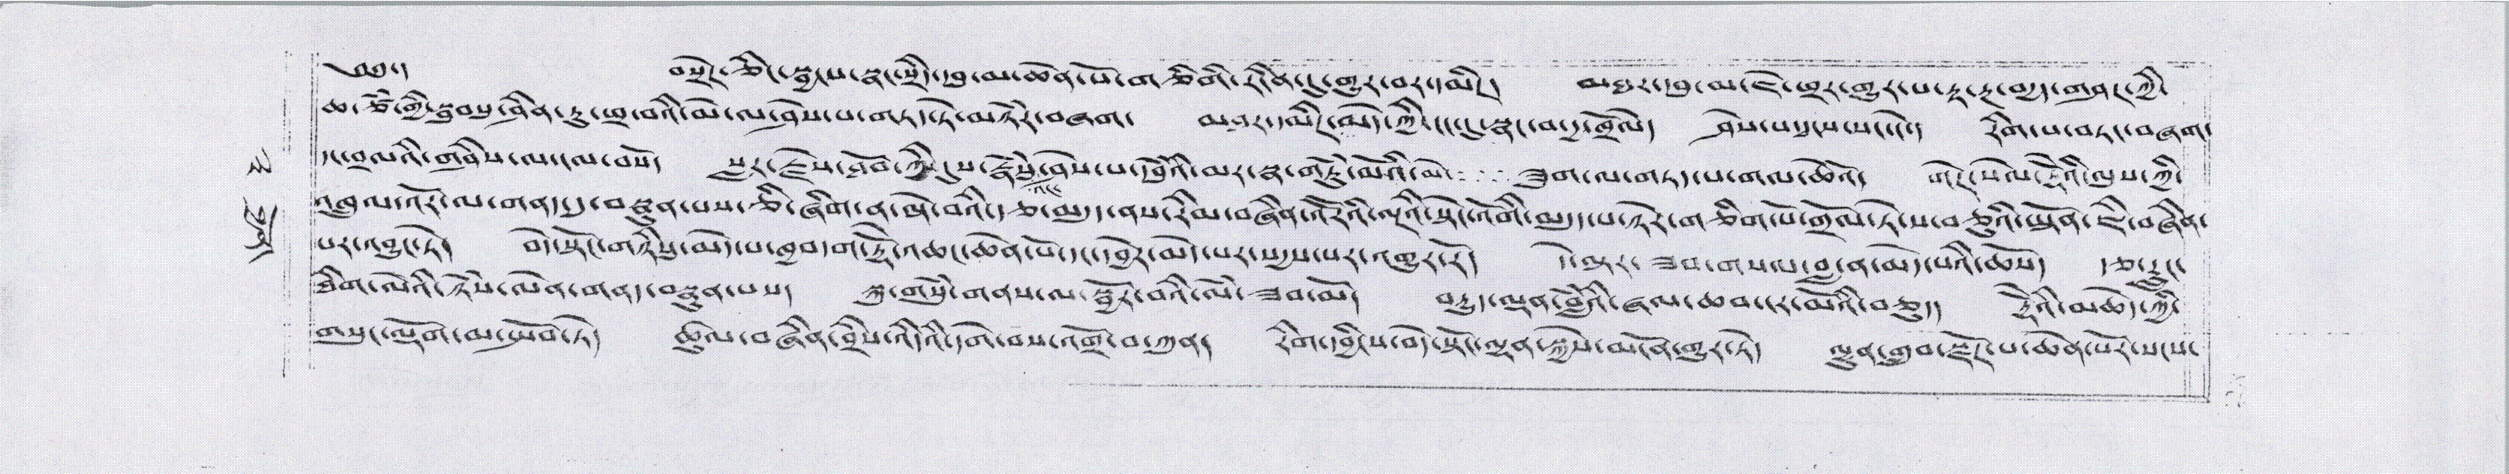བསྲེགས་ཅིང་སྦྱངས་སྣང་སྲིད་དབུ་མ་ཆེན་པོ་གཅིག་གི་རང་བཞིན་དུ་གྱུར་བར་དམིགས། མཐར་དབུ་མ་ཇེ་ཕྲར་གྱུར་པ་རྟ་རྔ་བརྒྱད་གཤགས་ཀྱི་
ཚ་ཙམ་གྱི་སྦུབས་སུ་ཤིན་ཏུ་ཕྲ་བའི་མེ་ལ་ཤེས་པར་གཏད་ཏེ་མཉམ་པར་བཞག མཐར་དམིགས་མེད་ཀྱི་ངང་དུ་སྣང་བ་རྒྱ་ཁྲོལ་ལོ། ཤེས་པ་དྭངས་སང་ངེ། རིག་པ་བཏང་བཞག་
དང་བྲལ་བའི་གཤིས་ལ་ངལ་བསོ། སླར་རྗེས་ཐོབ་ཀྱི་དུས་རྣམས་སུ་འང་ཤེས་པ་དབུ་མའི་མར་སྣ་གཏུམ་མོའི་མེ་ཟུག་ལ་གཏད་པ་གལ་ཆེའོ། གེར་སེལ་རྡོ་རྗེའི་ལུས་ཀྱི་
འཁྲུལ་འཁོར་ལ་གནད་དུ་བསྣུན་པས་ཅི་ཞིག་ན་ལྟེ་བའི་རྩ་མདུད་ནས་རིམ་བཞིན་འཁོར་ལོའི་ལྔའི་སྟེང་འོག་གི་མདུད་པ་ཉེར་གཅིག་པོ་གྲོལ་ཏེ་ས་བཅུའི་ཡོན་ཏན་ཇི་བཞིན་
པར་འབྱུང་ཏེ། བདེ་སྟོང་གཉིས་སུ་མེད་པ་ཁྱབ་བདག་རྡོ་རྗེ་འཆང་ཆེན་པོ་དང་དབྱེར་མེད་པར་སངས་རྒྱས་པར་འགྱུར་རོ། དེ་ལྟར་ཟབ་གསལ་བླ་ན་མེད་པའི་ཆོས། རྩ་རླུང་
ཐིག་ལེའི་ཉམས་ལེན་གནད་བསྣུན་པས། སྐུ་གསུམ་གནས་ལ་སྦྱོར་བའི་ལམ་ཟབ་མོ། བརྒྱུད་ལྡན་བླ་མའི་ཞལ་ཆབ་ངར་མོའི་བཅུད། རྡོ་རྗེའི་མཆེད་ཀྱི་
གསུང་ལྡོག་མ་སྤབ་ཏེ། ཚུལ་བཞིན་བྲིས་འདིའི་དགེ་བས་འགྲོ་བ་ཀུན། རིག་དབྱིངས་བདེ་སྟོང་ལྷན་སྐྱེས་མངོན་གྱུར་ཏེ། ལྷུན་གྲུབ་རྫོགས་པ་ཆེན་པོར་སངས་